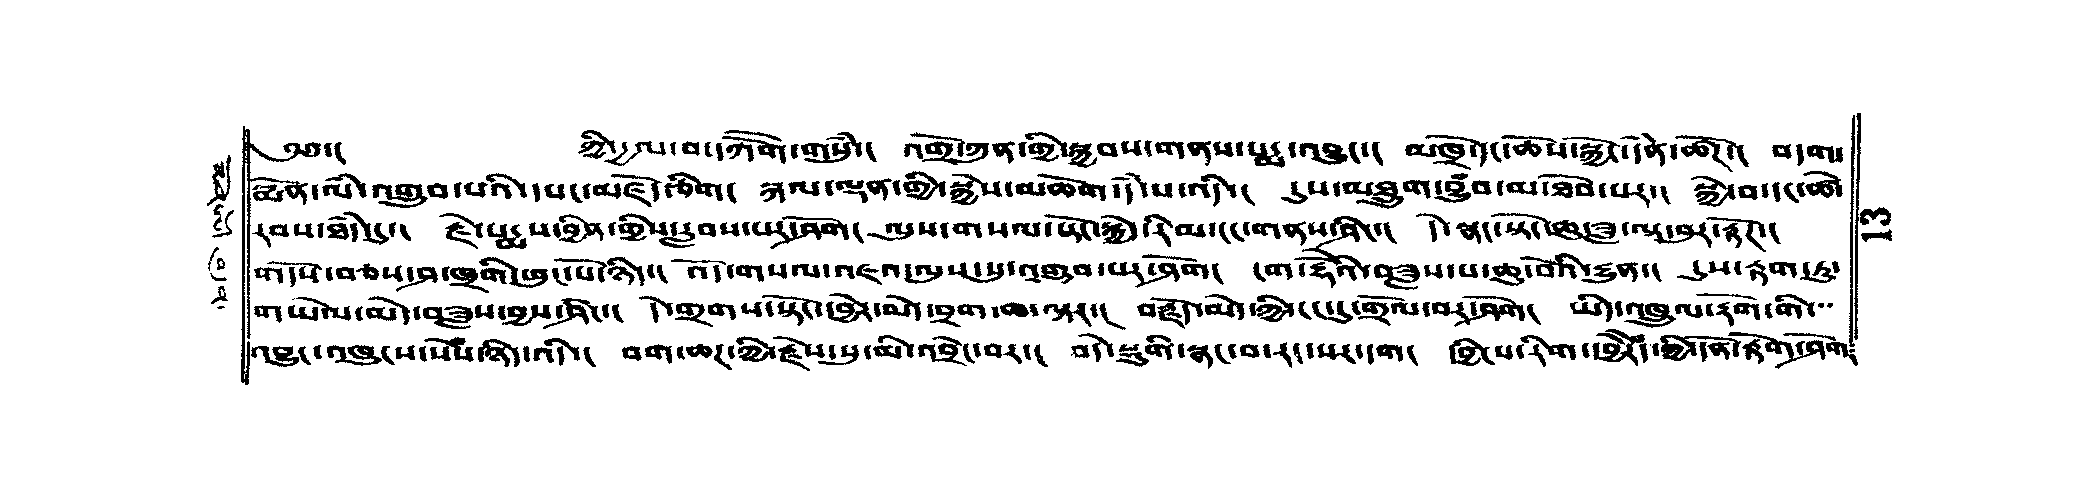ཀྱི་རྒྱལ་བ་དཀོན་མཆོག་གསུམ། །འགྲོ་ཀུན་གྱི་སྐྱབས་གནས་པདྨ་འབྱུང་། །མཁའ་འགྲོ་དང་ཆོས་སྐྱོང་དམ་ཅན་ཚོགས། །བདག་
སྨོན་ལམ་འགྲུབ་པའི་དཔང་མཛོད་ཅིག།སྐལ་ལྡན་གྱི་སྐྱེས་མཆོག་དམ་པ་འདི། །དུས་མཐར་ཐུག་བྱང་ཆུབ་མ་ཐོབ་པར། །སྐྱེ་བ་དང་ཚེ་
རབས་ཐམས་ཅད་དུ། །རྗེ་པདྨས་བྱིན་གྱིས་བརླབ་པར་ཤོག །ལུས་གསལ་སྟོང་བསྐྱེད་རིམ་ངང་གནས་ཤིང་། །དེ་སྣང་སྟོང་ཆུ་ཟླ་ལྟ་བུར་རྟོགས། །
གདོས་བཅས་ཤ་ཁྲག་གི་ཕུང་པོ་ཉིད། །འོད་གསལ་འཇའ་ལུས་སུ་འགྲུབ་པར་ཤོག །ངག་རྡོ་རྗེའི་བཟླས་པ་ཆུ་བོའི་རྒྱུན། །དུས་རྟག་ཏུ་
གཡེལ་མེད་བཟླས་བྱས་ཤིང་། །དེ་གྲགས་སྟོང་དབྱེར་མེད་བྲག་ཆ་ལྟར། །བརྗོད་མེད་ཀྱི་ངང་དུ་གྲོལ་བར་ཤོག །ཡིད་འཁྲུལ་རྟོག་གི་
འབྱུང་ཁུངས་སེམས་ཉིད་འདི། །བག་ཆགས་ཀྱི་རྗེས་སུ་མི་འབྲང་བར། །བདེ་སྡུག་གི་སྣང་བ་རང་སར་དག །དབྱིངས་རིག་དབྱེར་མེད་ཀྱི་དོན་རྟོགས་ཤོག